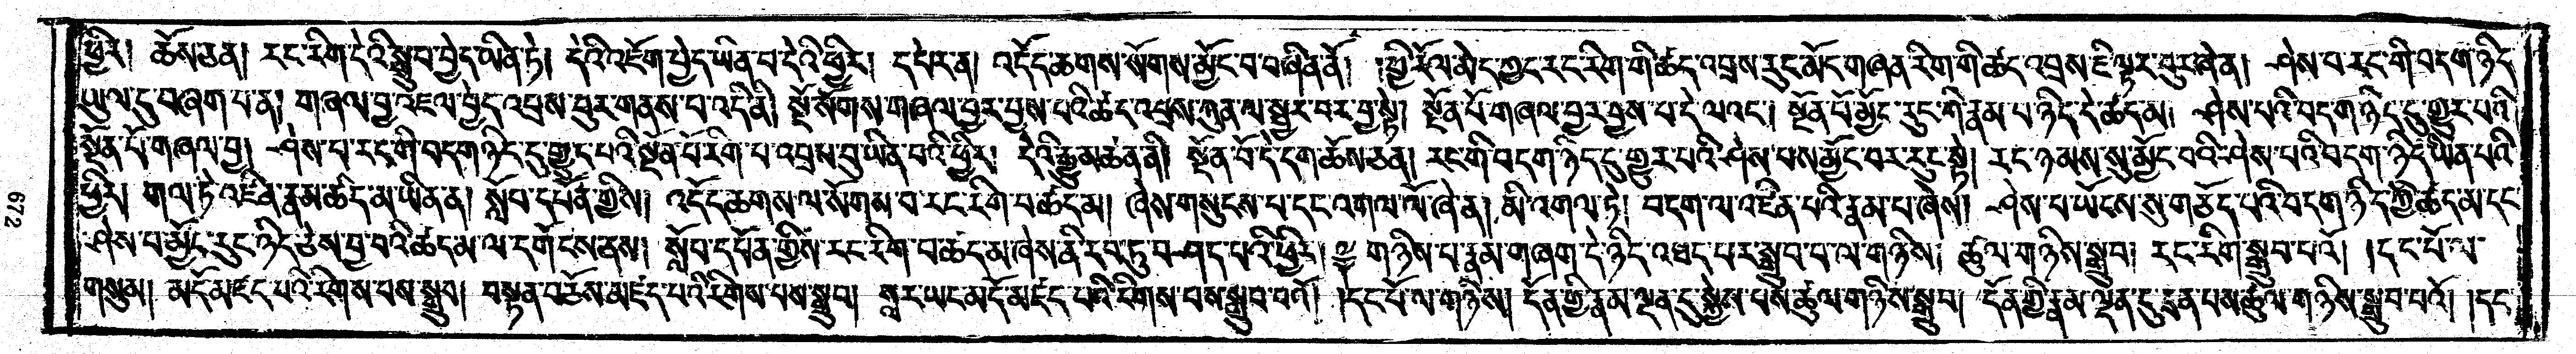ཕྱིར། ཆོས་ཅན། རང་རིག་དེའི་སྒྲུབ་བྱེད་ཡིན་ཏེ། དེའི་འཇོག་བྱེད་ཡིན་པ་དེའི་ཕྱིར། དཔེར་ན། འདོད་ཆགས་སོགས་མྱོང་བ་བཞིན་ནོ། །ཕྱི་རོལ་མེད་ཀྱང་རང་རིག་གི་ཚད་འབྲས་རུང་མོང་གཞན་རིག་གི་ཚད་འབྲས་ཇི་ལྟར་བུར་ཞེ་ན། ཤེས་པ་རང་གི་བདག་ཉིད་
ཡུལ་དུ་བཞག་པ་ན། གཞལ་བྱ་འཇལ་བྱེད་འབྲས་བུར་གནས་པ་འདི་ནི། སྔོ་སོགས་གཞལ་བྱར་བྱས་པའི་ཚང་འབྲས་ཀུན་ལ་སྦྱར་བར་བྱ་སྟེ། སྔོན་པོ་གཞལ་བྱར་བྱས་པ་དེ་ལའང་། སྔོན་པོ་མྱོང་རུང་གི་རྣམ་པ་ཉིད་དེ་ཚད་མ། ཤེས་པའི་བདག་ཉིད་དུ་གྱུར་པའི།
སྔོན་པོ་གཞལ་བྱ། ཤེས་པ་རང་གི་བདག་ཉིད་དུ་གྱུར་པའི་སྔོན་པོ་རིག་པ་འབྲས་བུ་ཡིན་པའི་ཕྱིར། དེའི་རྒྱུ་མཚན་ནི། སྔོན་པོ་དེ་དག་ཆོས་ཅན། རང་གི་བདག་ཉིད་དུ་གྱུར་པའི་ཤེས་པས་མྱོང་བར་རུང་སྟེ། རང་ཉམས་སུ་མྱོང་བའི་ཤེས་པའི་བདག་ཉིད་ཡིན་པའི་
ཕྱིར། གལ་ཏེ་འཛིན་རྣམ་ཚད་མ་ཡིན་ན། སློབ་དཔོན་གྱིས། འདོད་ཆགས་ལ་སོགས་པ་རང་རིག་པ་ཚད་མ། ཞེས་གསུངས་པ་དང་འགལ་ལོ་ཞེ་ན། མི་འགལ་ཏེ། བདག་ལ་འཛིན་པའི་རྣམ་པ་ཞེས། ཞེས་པ་ཡོངས་སུ་གཅོད་པའི་བདག་ཉིད་ཀྱི་ཚད་མ་དང་
ཤེས་པ་མྱོང་རུང་ཉིད་ཅེས་བྱ་བའི་ཚད་མ་ལ་དགོངས་ནས། སློབ་དཔོན་གྱིས་རང་རིག་པ་ཚད་མ་ཞེས་ནི་རབ་ཏུ་བཤད་པའི་ཕྱིར། ༈ གཉིས་པ་རྣམ་གཞག་དེ་ཉིད་འཐད་པར་སྒྲུབ་པ་ལ་གཉིས། ཚུལ་གཉིས་སྒྲུབ། རང་རིག་སྒྲུབ་པའོ། །དང་པོ་ལ་
གསུམ། མདོ་མཛད་པའི་རིགས་པས་སྒྲུབ། བསྟན་བཅོས་མཛད་པའི་རིགས་པས་སྒྲུབ། སླར་ཡང་མདོ་མཛད་པའི་རིགས་བས་སྒྲུབ་པའོ། །དང་པོ་ལ་གཉིས། དོན་གྱི་རྣམ་ལྡན་དུ་སྐྱེས་པས་ཚུལ་གཉིས་སྒྲུབ། དོན་གྱི་རྣམ་ལྡན་དུ་དྲན་པས་ཚུལ་གཉིས་སྒྲུབ་པའོ། །དང་